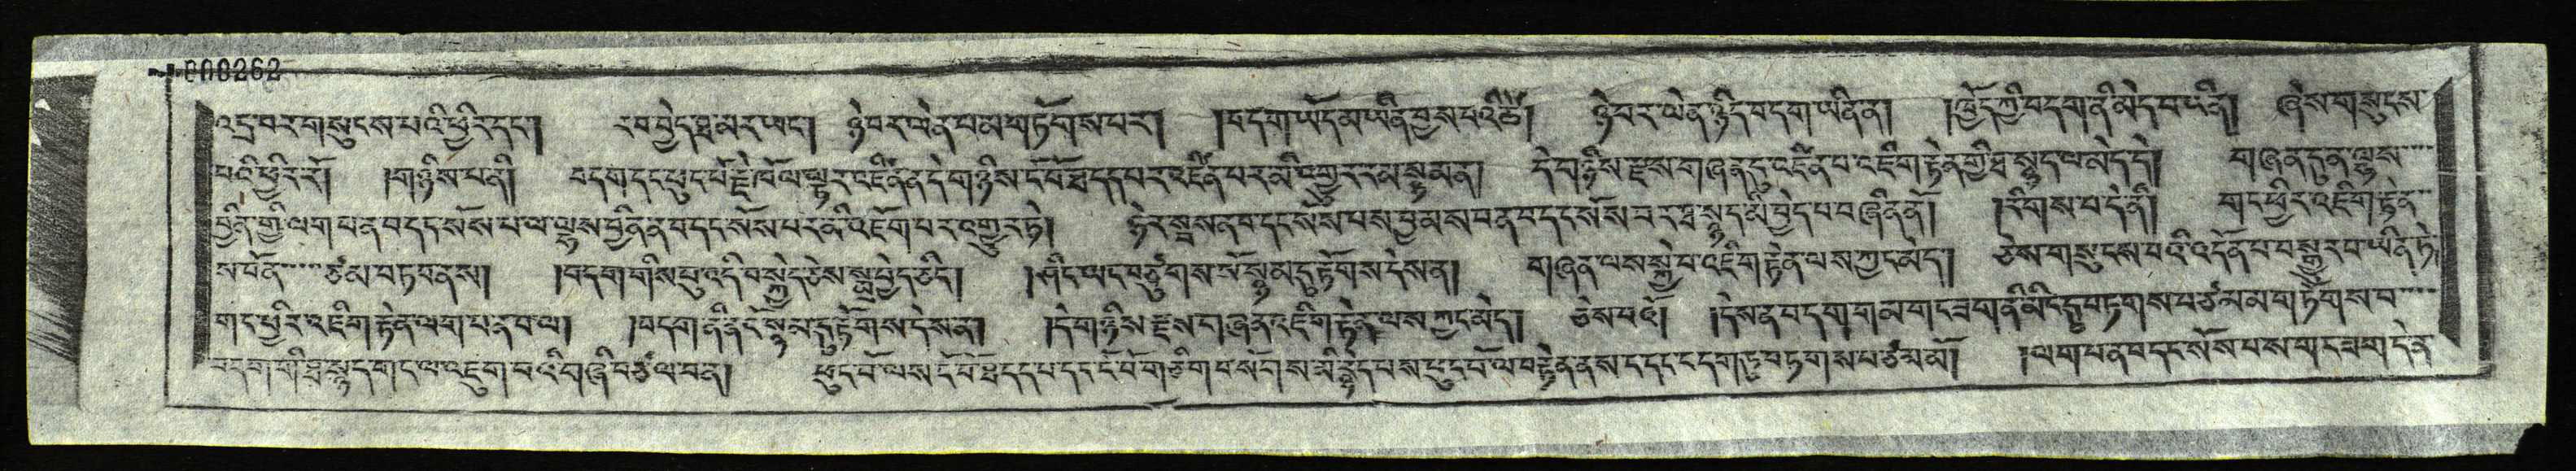འདྲ་བར་གསུངས་པའི་ཕྱིར་དང་། རབ་བྱེད་ཐ་མར་ཡང་། ཉེ་བར་ལེན་པ་མ་གཏོགས་པར། །བདག་ཡོད་མ་ཡིན་བྱས་པའི་ཚེ། ཉེ་བར་ལེན་ཉིད་བདག་ཡིན་ན། །ཁྱོད་ཀྱི་བདག་ནི་མེད་པ་ཡིན། ཞེས་གསུངས་
པའི་ཕྱིར་རོ། །གཉིས་པ་ནི། བདག་དང་ཕུང་པོ་རྗེ་ཁོལ་ལྟར་འཛིན་ན་དེ་གཉིས་ངོ་བོ་ཐ་དད་པར་འཛིན་པར་མི་འགྱུར་རམ་སྙམ་ན། དེ་གཉིས་རྫས་གཞན་དུ་འཛིན་པ་འཇིག་རྟེན་གྱི་ཐ་སྙད་པ་མེད་དེ། གཞན་དུ་ན་ལྷས་
བྱིན་གྱི་ལག་ཕ་ན་བ་དང་སོས་པ་ལ་ལྷས་བྱིན་ན་བ་དང་སོས་པར་མི་འཇོག་པར་འགྱུར་ཏེ། ཉེར་སྦས་ན་བ་དང་སོས་པས་བྱམས་པ་ན་བ་དང་སོས་བར་ཐ་སྙད་མི་བྱེད་པ་བཞིན་ནོ། །རིགས་པ་དེ་ནི། གང་ཕྱིར་འཇིག་རྟེན་
ས་བོན་ཙམ་བཏབ་ནས། །བདག་གིས་བུ་འདི་བསྐྱེད་ཅེས་སྨྲ་བྱེད་ཅིང་། །ཤིང་ཡང་བཙུགས་སོ་སྙམ་དུ་རྟོགས་དེས་ན། གཞན་ལས་སྐྱེ་བ་འཇིག་རྟེན་ལས་ཀྱང་མེད། ཅེས་གསུངས་པའི་འདོན་པ་བསྒྱུར་བ་ཡིན་ཏེ།
གང་ཕྱིར་འཇིག་རྟེན་ལག་པ་ན་བ་ལ། །བདག་ནི་ནའོ་སྙམ་དུ་རྟོགས་དེས་ན། །དེ་གཉིས་རྫས་གཞན་འཇིག་རྟེན་ལས་ཀྱང་མེད། ཅེས་པའོ། །དེས་ན་བདག་གམ་གང་ཟག་ནི་མིང་དུ་བཏགས་པ་ཙམ་མ་གཏོགས་པ་
བདག་གི་ཐ་སྙད་གང་ལ་འཇུག་པའི་གཞི་བཙལ་བ་ན། ཕུང་པོ་ལས་ངོ་བོ་ཐ་དད་པ་དང་ངོ་བོ་གཅིག་པ་སོགས་མི་རྙེད་པས་ཕུང་པོ་ལ་བརྟེན་ནས་ང་དང་བདག་ཏུ་བཏགས་པ་ཙམ་མོ། །ལག་པ་ན་བ་དང་སོས་པས་གང་ཟག་དེ་ན་